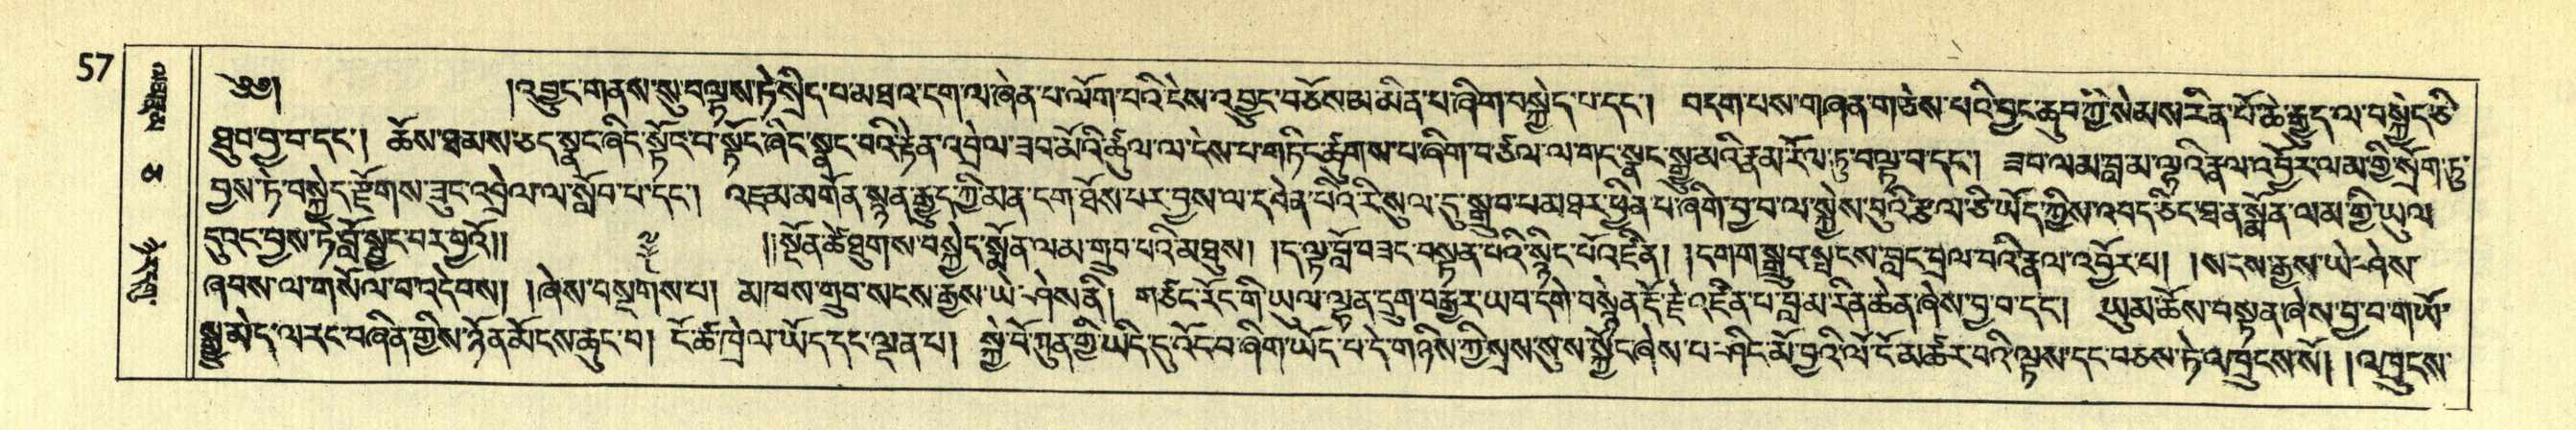༄༅། །འབྱུང་གནས་སུ་བལྟས་ཏེ་སྲིད་པ་མཐའ་དག་ལ་ཞེན་པ་ལོག་པའི་ངེས་འབྱུང་བཅོས་མ་མིན་པ་ཞིག་བསྐྱེད་པ་དང་། བདག་པས་གཞན་གཅེས་པའི་བྱང་ཆུབ་ཀྱི་སེམས་རིན་པོ་ཆེ་རྒྱུད་ལ་བསྐྱེད་ཅི་
ཐུབ་བྱ་བ་དང་། ཆོས་ཐམས་ཅད་སྣང་ཞིང་སྟོང་བ་སྟོང་ཞིང་སྣང་བའི་རྟེན་འབྲེལ་ཟབ་མོའི་ཚུལ་ལ་ངེས་པ་གཏིང་ཚུགས་པ་ཞིག་བཙལ་ལ་གང་སྣང་སྒྱུ་མའི་རྣམ་རོལ་ཏུ་བལྟ་བ་དང་། ཟབ་ལམ་བླ་མ་ལྷའི་རྣལ་འབྱོར་ལམ་གྱི་སྲོག་ཏུ་
བྱས་ཏེ་བསྐྱེད་རྫོགས་ཟུང་འབྲེལ་ལ་སློབ་པ་དང་། འཇམ་མགོན་སྙན་རྒྱུད་ཀྱི་མན་ངག་ཐོས་པར་བྱས་ལ་དབེན་པའི་རི་སུལ་དུ་སྒྲུབ་པ་མཐར་ཕྱིན་པ་ཞིག་བྱ་བ་ལ་སྐྱེས་བུའི་རྩལ་ཅི་ཡོད་ཀྱིས་འབད་ཅིང་ཐ་ན་སྨོན་ལམ་གྱི་ཡུལ་
དུའང་བྱས་ཏེ་བློ་སྦྱང་བར་བྱའོ།། ༈ །།སྔོན་ཚེ་ཐུགས་བསྐྱེད་སྨོན་ལམ་གྲུབ་པའི་མཐུས། །ད་ལྟ་བློ་བཟང་བསྟན་པའི་སྙིང་པོ་འཛིན། །དགག་སྒྲུབ་སྤངས་བླང་བྲལ་བའི་རྣལ་འབྱོར་པ། །སངས་རྒྱས་ཡེ་ཤེས་
ཞབས་ལ་གསོལ་བ་འདེབས། །ཞེས་བསྔགས་པ། མཁས་གྲུབ་སངས་རྒྱས་ཡེ་ཤེས་ནི། གཙང་རོང་གི་ཡུལ་ལྷན་དྲུག་བརྒྱར་ཡབ་དགེ་བསྙེན་རྡོ་རྗེ་འཛིན་པ་བླ་མ་རིན་ཆེན་ཞེས་བྱ་བ་དང་། ཡུམ་ཆོས་བསྟན་ཞེས་བྱ་བ་གཡོ་
སྒྱུ་མེད་ལ་རང་བཞིན་གྱིས་ཉོན་མོངས་ཆུང་བ། ངོ་ཚ་ཁྲེལ་ཡོད་དང་ལྡན་པ། སྐྱེ་བོ་ཀུན་གྱི་ཡིད་དུ་འོང་བ་ཞིག་ཡོད་པ་དེ་གཉིས་ཀྱི་སྲས་སུས་སྐྱོང་ཞེས་པ་ཤིང་མོ་བྱའི་ལོ་ངོ་མཚར་བའི་ལྟས་དང་བཅས་ཏེ་འཁྲུངས་སོ། །འཁྲུངས་